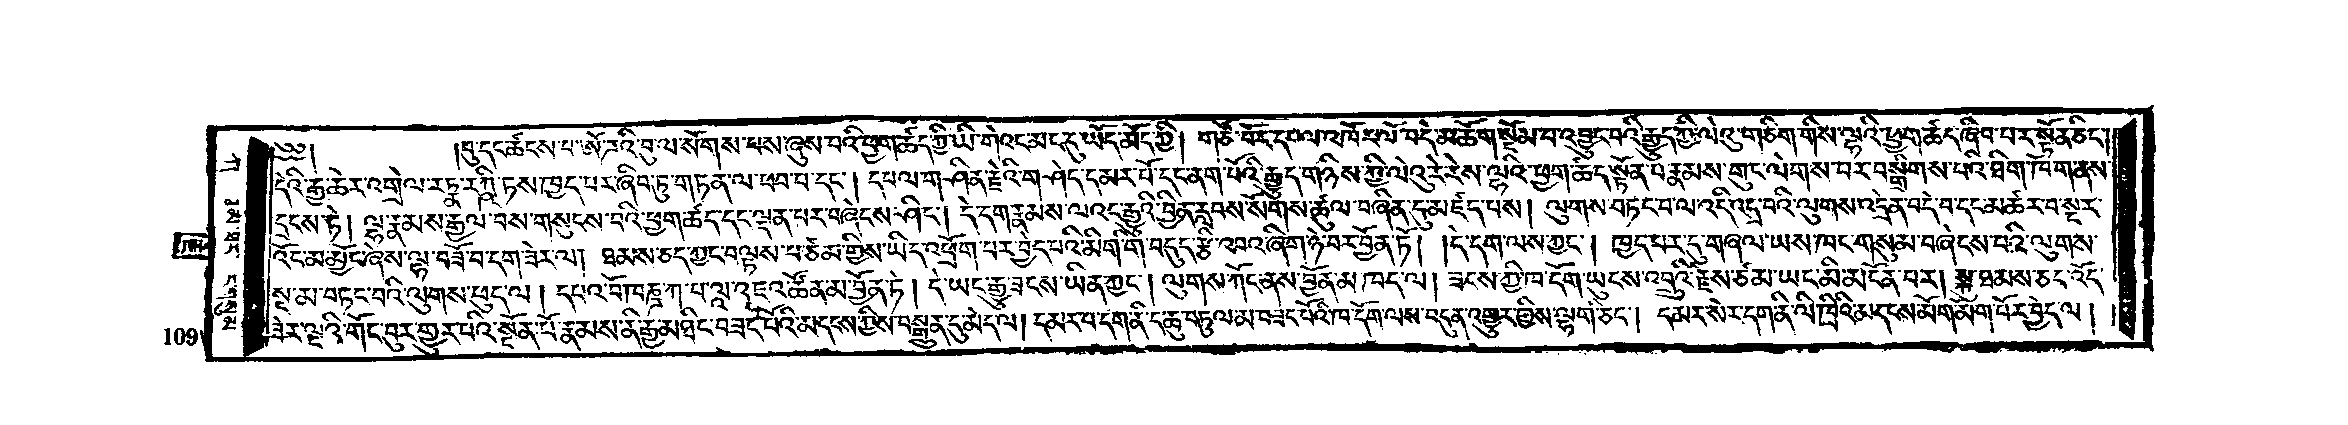༄༅། །བུ་དང་ཚངས་པ་ཨོ་ཌའི་བུ་ལ་སོགས་པས་ཞུས་པའི་ཕྱག་ཚད་ཀྱི་ཡི་གེའང་མང་དུ་ཡོད་མོད་ཀྱི། གཙོ་བོར་དཔལ་འཁོར་ལོ་བདེ་མཆོག་སྡོམ་པ་འབྱུང་བའི་རྒྱུད་ཀྱི་ལེའུ་གཅིག་གིས་ལྷའི་ཕྱག་ཚད་ཞིབ་པར་སྟོན་ཅིང་།
དེའི་རྒྱ་ཆེར་འགྲེལ་རཏྣ་རཀྵི་ཏས་ཁྱད་པར་ཞིབ་ཏུ་གཏན་ལ་ཕབ་པ་དང་། དཔལ་གཤིན་རྗེའི་གཤེད་དམར་པོ་དང་ནག་པོའི་རྒྱུད་གཉིས་ཀྱི་ལེའུ་རེ་རེས་ལྷའི་ཕྱག་ཚད་སྟོན་པ་རྣམས་གུང་ལེགས་པར་བསྒྲིགས་པའི་ཐིག་ཁོག་ནས་
དྲངས་ཏེ། ལྷ་རྣམས་རྒྱལ་བས་གསུངས་བའི་ཕྱག་ཚད་དང་ལྡན་པར་བཞེངས་ཤིང་། དེ་དག་རྣམས་ལའང་རྒྱུའི་བྱིན་རླབས་སོགས་ཚུལ་བཞིན་དུ་མཛད་པས། ལུགས་བཏང་བ་ལ་འདི་འདྲ་བའི་ལུགས་འདྲེན་བདེ་བ་དང་མཚར་བ་སྔར་
འོང་མ་མྱོང་ཞེས་ལྷ་བཟོ་བ་དག་ཟེར་ལ། ཐམས་ཅད་ཀྱང་བལྟས་པ་ཙམ་གྱིས་ཡིད་འཕྲོག་པར་བྱེད་པའི་མིག་གི་བདུད་རྩི་འབའ་ཞིག་ཉེ་བར་བྱོན་ཏོ། །དེ་དག་ལས་ཀྱང་། ཁྱད་པར་དུ་གཞལ་ཡས་ཁང་གསུམ་བཞེངས་པའི་ལུགས་
སྔ་མ་བཏང་བའི་ལུགས་ཕུད་ལ། དཔའ་བོ་ཁཎྜ་ཀ་པ་ལཱ་འཇའ་ཚོན་མ་བྱོན་ཏེ། དེ་ཡང་རྒྱུ་ཟངས་ཡིན་ཀྱང་། ལུགས་ཀོང་ནས་བྱོན་མ་ཁད་ལ། ཟངས་ཀྱི་ཁ་དོག་ཡུངས་འབྲུའི་རྗེས་ཙམ་ཡང་མི་མངོན་པར། སྐུ་ཐམས་ཅད་འོད་
ཟེར་ལྔའི་གོང་བུར་གྱུར་པའི་སྔོན་པོ་རྣམས་ནི་རྒྱ་མཐིང་བཟང་པོའི་མདངས་ཀྱིས་བསྒྲུན་དུ་མེད་ལ། དམར་པ་དག་ནི་ད་ཆུ་བཏུལ་མ་བཟང་པོའི་ཁ་དོག་ལས་བདུན་འགྱུར་གྱིས་ལྷག་ཅིང་། དམར་སེར་དག་ནི་ལི་ཁྲིའི་མདངས་མོག་མོག་པོར་བྱེད་ལ།